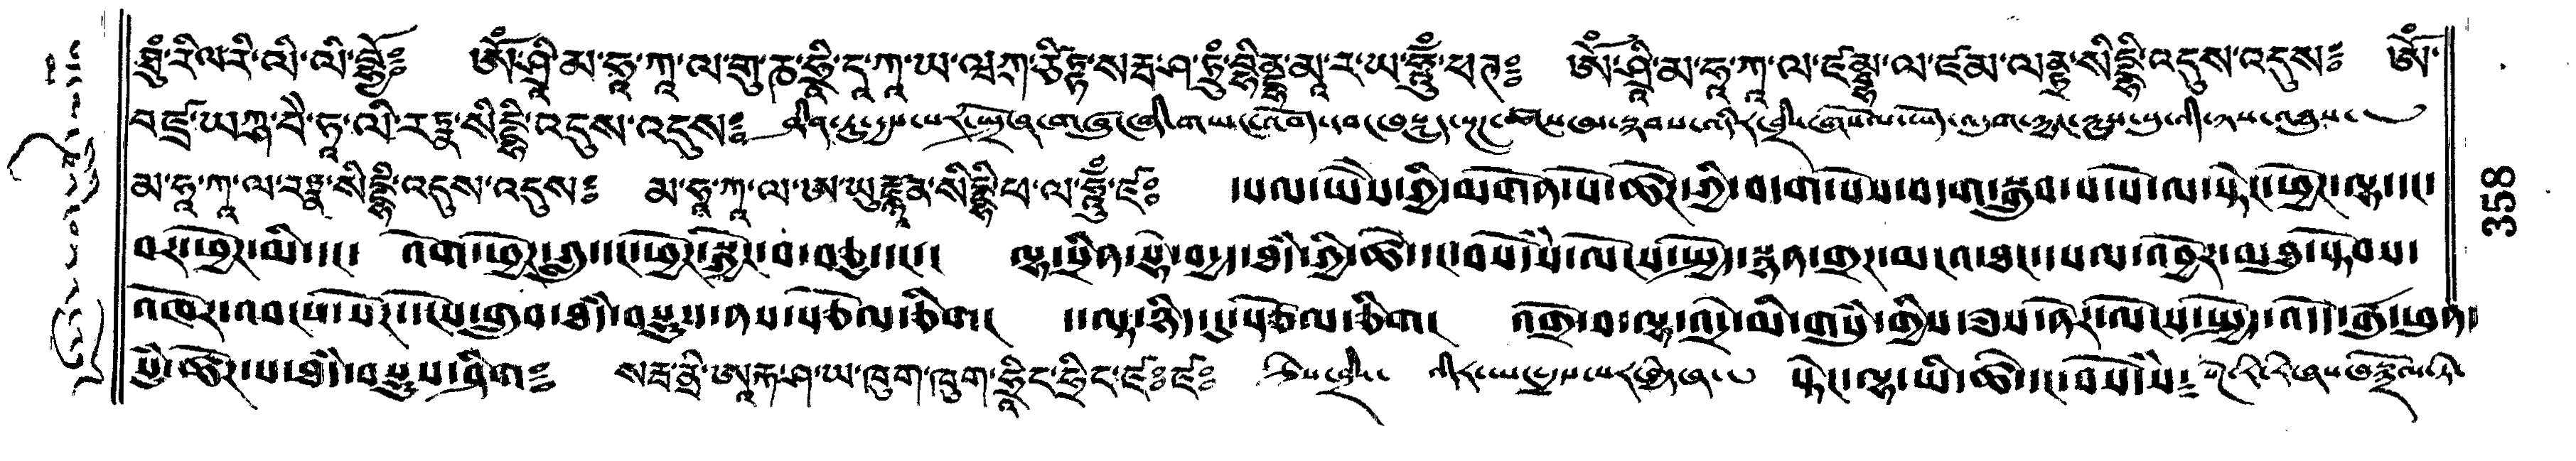ཐུཾ་རིལ་རི་ལི་ལི་བྷྱོཿ ཨོཾ་ཤྲཱི་མ་ཧཱ་ཀཱ་ལ་གུ་ཎ་ཧྲཱི་དཱ་ཀཱ་ཡ་ཝཱ་ཀ་ཙིཏྟ་སརྦ་ཤ་ཏྲུཾ་བྷིནྡྷ་མཱ་ར་ཡ་ཧཱུྃ་ཕཊཿ ཨོཾ་ཤྲཱི་མ་ཧཱ་ཀཱ་ལ་ཛམྦྷ་ལ་ཛཱ་ལནྟྲ་སིདྡྷི་འདུས་འདུསཿ ཨོཾ་
བཛྲ་ཡཀྵ་བཻ་ཏཱ་ལི་རཏྣ་སིདྡྷི་འདུས་འདུསཿ ཤིན་ཏུ་རྒྱས་པར་སྤྲོ་ན་གཞུང་གི་གཡང་འབོད་དབང་སྡུད་སྔགས་ཚངས་མ་སྐབས་འདིར་འདོན་སྲོལ་ཡོད་འདུག་ཀྱང་དཀྱུས་སུ་འདི་ཀས་འཐུས། 
མ་ཧཱ་ཀཱ་ལ་རཏྣ་སིདྡྷི་འདུས་འདུསཿ མ་ཧཱ་ཀཱ་ལ་ཨ་ཡུརྫྙཱན་སིདྡྷི་ཕ་ལ་ཧཱུྃ་ཛཿ དཔལ་ཡེ་ཤེས་ཀྱི་མགོན་པོ་ཚོགས་ཀྱི་བདག་པོས་བདག་སྒྲུབ་པ་པོ་ལ་སྟེང་ཕྱོགས་ལྷ་དང་
བར་ཕྱོགས་མི་དང་། འོག་ཕྱོགས་ཀླུ་དང་ཕྱོགས་སྐྱོང་བ་བཅུ་དང་། ལྷ་སྲིན་སྡེ་བརྒྱད་ཐམས་ཅད་ཀྱི་ཚེ་དང་བསོད་ནམས་ལོངས་སྤྱོད་སྙན་གྲགས་མངའ་ཐང་དཔལ་འབྱོར་མཐུ་སྟོབས་
འཁོར་འབངས་སོགས་དངོས་གྲུབ་ཐམས་ཅད་བསྡུས་ནས་སྩོལ་ཅིག ད་ལྟ་ཉིད་དུ་སྩོལ་ཅིག འགྲོ་བ་ལྷ་འདྲེ་མི་གསུམ་གྱི་ཟས་ནོར་ལོངས་སྤྱོད་འདོད་རྒུ་ཕུན་
སུམ་ཚོགས་པ་ཐམས་ཅད་སྡུས་ཤིག སརྦ་ནྲི་ཨ་ཀརྴ་ཡ་ཤ་ཡ་ཁུག་ཁུག་ཧྲཱིང་ཧྲིང་ཛཿཛཿ ཅེས་བྲིས། འདིར་ཡང་རྒྱས་པར་བྱེད་ན། སྟེང་ལྷ་ཡི་ཚེ་དང་བསོད་ནམས་སོགས་རེ་རེ་ནས་བསྐྲོལ་ཏེ་